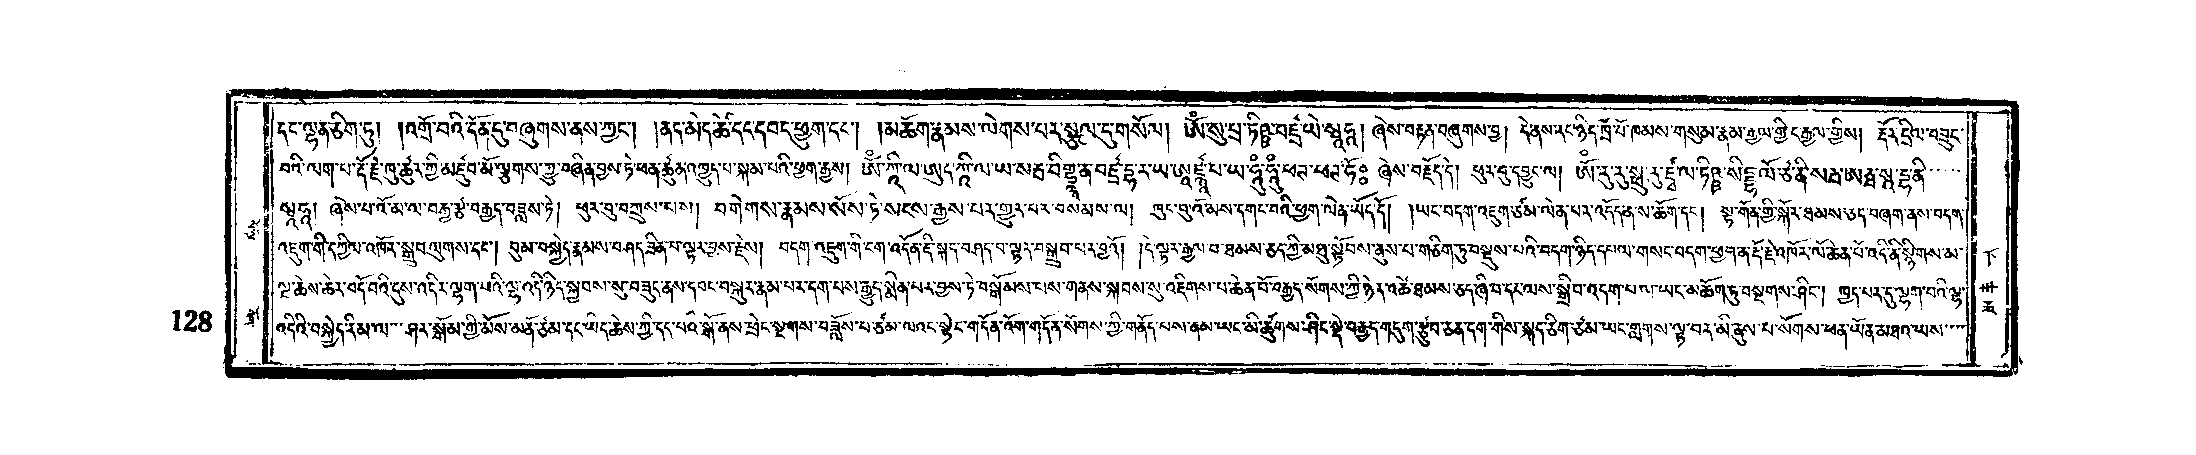དང་ལྷན་ཅིག་ཏུ། །འགྲོ་བའི་དོན་དུ་བཞུགས་ནས་ཀྱང་། །ནད་མེད་ཚེ་དང་དབང་ཕྱུག་དང་། །མཆོག་རྣམས་ལེགས་པར་སྩལ་དུ་གསོལ། །ཨོཾ་སུ་པྲ་ཏིཥཊཿཨ་བཛྲ་ཡེ་སྭཱཧཱ། ཞེས་བརྟན་བཞུགས་བྱ། དེ་ནས་རང་ཉིད་ཁྲོ་པོ་ཁམས་གསུམ་རྣམས་རྒྱལ་གྱི་ང་རྒྱལ་གྱིས། རྡོ་དྲིལ་བཟུང་
བའི་ལག་པ་རྡོ་རྗེ་ཁུ་ཚུར་གྱི་མཛུབ་མོ་ལྕགས་ཀྱུ་བཞིན་བྱས་ཏེ་ཕན་ཚུན་འཁྱུད་པ་སྐམ་པའི་ཕྱག་རྒྱས། ཨོཾ་ཀཱི་ལ་ཨུད་ཀཱི་ལ་ཡ་སརྦ་བིགྷྣཱ་ན་བཛྲ་དྷ་ར་ཡ་ཨཱ་ཛྙཱ་པ་ཡ་ཧཱུཾ་ཧཱུཾ་ཕཊ་ཕཊ་ཧོཿ ཞེས་བརྗོད་དེ། ཕུར་བུ་དབྱུང་ལ། ཨོཾ་རུ་རུ་སྥུ་རུ་ཛྭ་ལ་ཏིཥཊཿཨ་སིདྡྷ་ལོ་ཙ་ནི་སརྦ་ཨརྠ་སཱ་དྷ་ནི་
སྭཱཧཱ། ཞེས་པ་འོ་མ་ལ་བརྒྱ་རྩ་བརྒྱད་བཟླས་ཏེ། ཕུར་བུ་བཀྲུས་པས། བགེགས་རྣམས་སོས་ཏེ་སངས་རྒྱས་པར་གྱུར་པར་བསམས་ལ། ཁུང་བུ་འོ་མས་དགང་བའི་ཕྱག་ལེན་ཡོད་དོ། །ཡང་དག་འཇུག་ཙམ་ལེན་པར་འདོད་ན་ས་ཆོག་དང་། སྟ་གོན་གྱི་སྐོར་ཐམས་ཅད་བཞག་ནས་བདག་
འཇུག་གི་དཀྱིལ་འཁོར་སྒྲུབ་ལུགས་དང་། བུམ་བསྐྱེད་རྣམས་བཤད་ཟིན་པ་ལྟར་བྱས་རྗེས། བདག་འཇུག་གི་ངག་འདོན་ཇི་སྐད་བཤད་པ་ལྟར་བསྒྲུབ་པར་བྱའོ། །དེ་ལྟར་རྒྱལ་བ་ཐམས་ཅད་ཀྱི་མཐུ་ཕྱག་ན་རྡོ་རྗེ་འཁོར་ལོ་ཆེན་པོ་འདི་ནི་སྙིགས་མ་ཕྱག་ན་རྡོ་རྗེ་འཁོར་ལོ་ཆེན་པོ་འདི་ནི་སྙིགས་མ་
ལྔ་ཆེས་ཆེར་བདོ་བའི་དུས་འདིར་ལྷག་པའི་ལྷ་འདི་ཉིད་སྐྱབས་སུ་བཟུང་ནས་དབང་བསྐུར་རྣམ་པར་དག་པས་རྒྱུད་སྨིན་པར་བྱས་ཏེ་བསྒོམས་པས་གནས་སྐབས་སུ་འཇིགས་པ་ཆེན་པོ་བརྒྱད་སོགས་ཀྱི་ཉེར་འཚེ་ཐམས་ཅད་ཞི་བ་དང་ལས་སྒྲིབ་འདག་པ་ལ་ཡང་མཆོག་ཏུ་བསྔགས་ཤིང་། ཁྱད་པར་དུ་ལྷག་པའི་ལྷ་
འདིའི་བསྐྱེད་རིམ་ལས་ཤར་སྒོམ་གྱི་མོས་མན་ཙམ་དང་ཡིད་ཆེས་ཀྱི་དད་པའི་སྒོ་ནས་ཕྲེང་སྔགས་བཟློས་པ་ཙམ་ལའང་སྟེང་གདོན་འོག་གདོན་སོགས་ཀྱི་གནོད་པས་ནམ་ཡང་མི་ཚུགས་ཞིང་སྡེ་བརྒྱད་གདུག་རྩུབ་ཅན་དག་གིས་སྐད་ཅིག་ཙམ་ཡང་གླགས་ལྟ་བར་མི་ནུས་པ་སོགས་ཕན་ཡོན་མཐའ་ཡས་